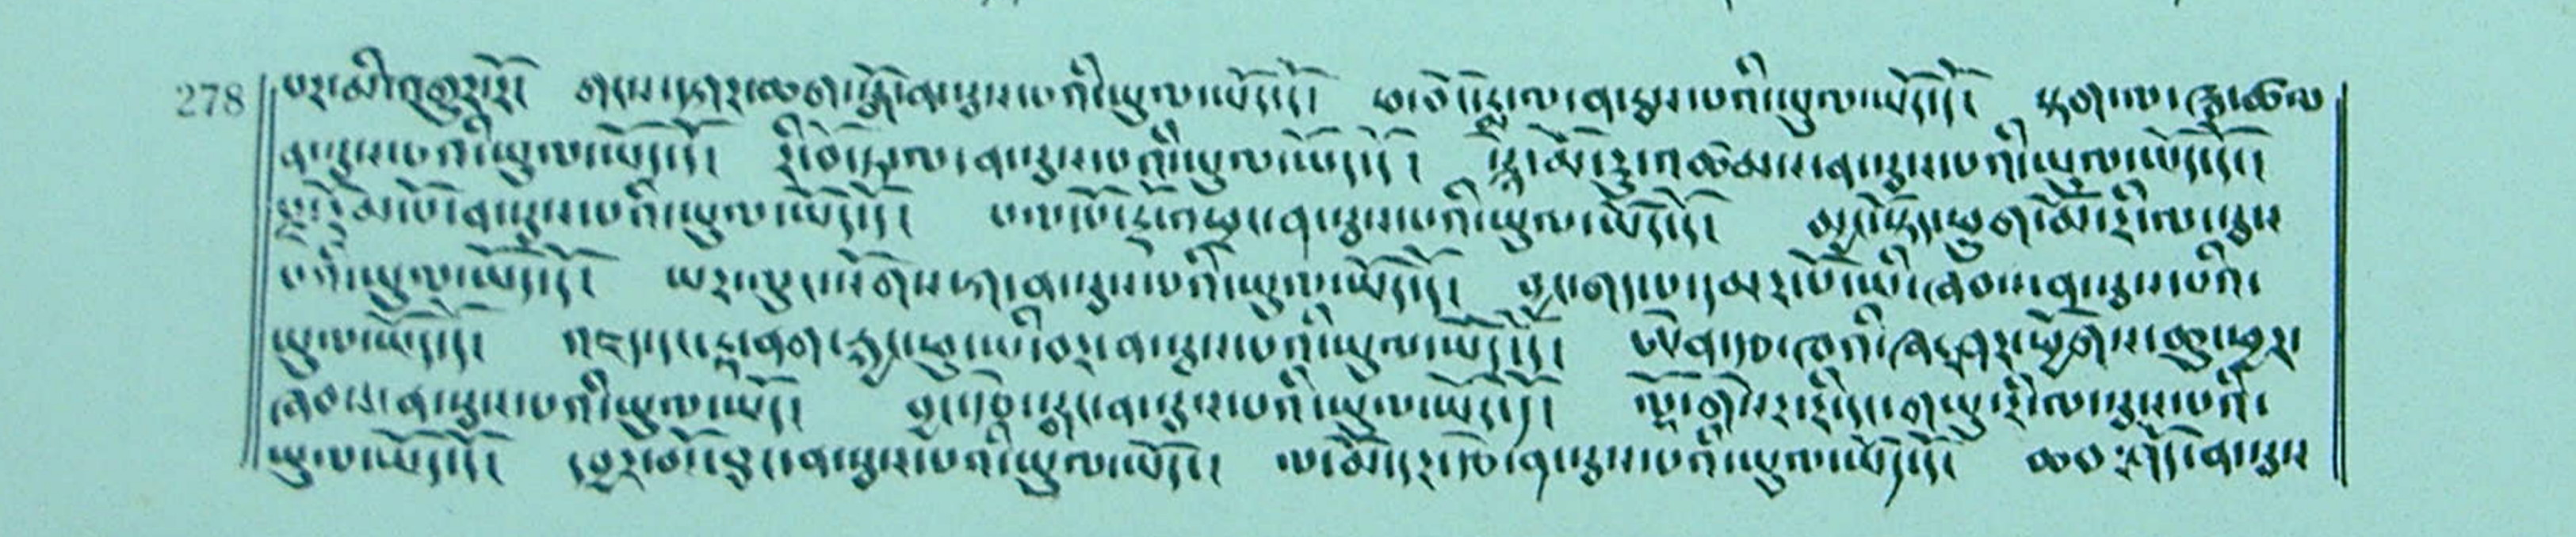པར་མི་འགྱུར་རོ། །གངས་དཀར་ཆག་སྒོ་ན་སྦས་པའི་ཡུལ་ཡོད་དོ། །ཕ་བོང་སྨེ་ལ་སྦས་པའི་ཡུལ་ཡོད་དོ། །སྟག་ལ་ཝ་ཚལ་
ན་སྦས་པའི་ཡུལ་ཡོད་དོ། །རི་བོ་ཏ་ལ་ན་སྦས་པའི་ཡུལ་ཡོད་དོ། །སྙེ་མོ་རུ་འཚམས་ན་སྦས་པའི་ཡུལ་ཡོད་དོ། 
།རྫ་རོམ་པོ་ན་སྦས་པའི་ཡུལ་ཡོད་དོ། །བལ་པོ་རྡོ་འཕྲང་ན་སྦས་པའི་ཡུལ་ཡོད་དོ། །མྱང་སྟོད་ཕྱུག་མོ་རི་ལ་སྦས་
པའི་ཡུལ་ཡོད་དོ། །ཡར་ལུང་སོག་ཀ་ན་སྦས་པའི་ཡུལ་ཡོད་དོ། །བྱང་གད་པ་དམར་པོ་ཡི་ཞབས་ན་སྦས་པའི་
ཡུལ་ཡོད་དོ། །འཇད་དང་རྟ་ནག་རྐྱང་ཕུ་ཡི་བར་ན་སྦས་པའི་ཡུལ་ཡོད་དོ། །ཨེན་རྩ་ཁའི་ཞ་ཤར་ཕྱོགས་ཆུ་ཕྱར་
ཞབས་ན་སྦས་པའི་ཡུལ་ཡོད། །བྱང་རྩེ་སྒང་ན་སྦས་པའི་ཡུལ་ཡོད་དོ། །ལྷོ་གསེར་རི་གཡུ་རི་ལ་སྦས་པའི་
ཡུལ་ཡོད་དོ། །དབྱར་མོ་ཐང་ན་སྦས་པའི་ཡུལ་ཡོད། ལ་མོ་དར་རྩེ་ན་སྦས་པའི་ཡུལ་ཡོད་དོ། །ཆབ་ཤོད་ན་སྦས་